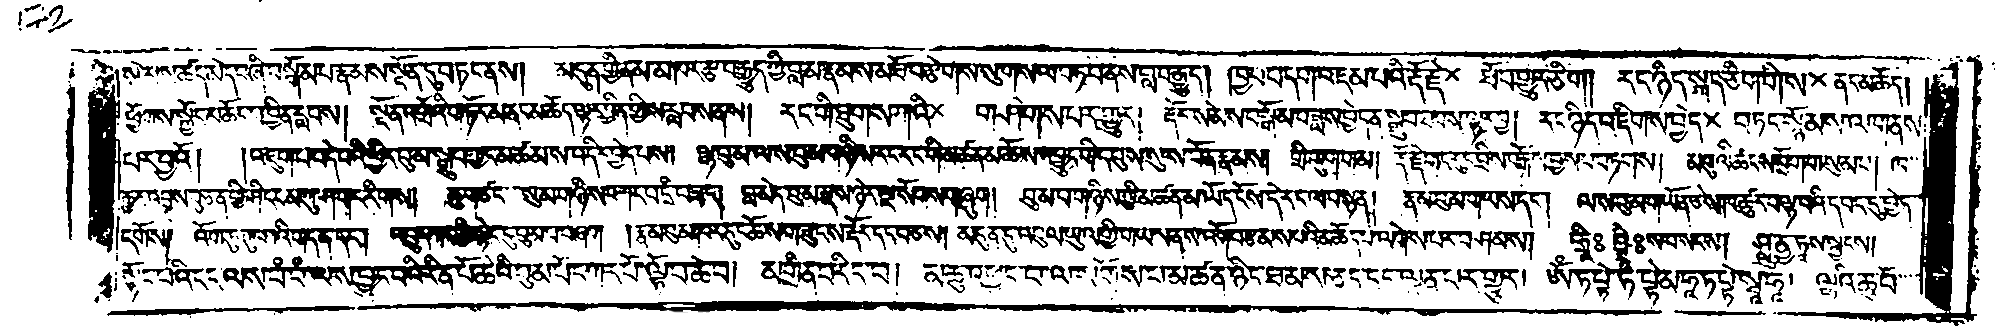སེམས་ཚད་མེད་བཞི་བསྒོམ་པ་རྣམས་སྔོན་དུ་བཏང་ནས། མདུན་གྱི་ནམ་མཁར་རྩ་བརྒྱུད་ཀྱི་བླ་མ་རྣམས་མཐོ་བརྩེགས་སུ་གསལ་བཏབ་ནས་བླ་བརྒྱུད། ཁྱབ་བདག་འཇམ་པའི་རྡོ་རྗེ྾་ཐོབ་གྱུར་ཅིག །རང་ཉིད་སྐད་ཅིག་གིས྾་ནང་མཆོད།
ཕྱོགས་སྐྱོང་མཆོད་པ་བྱིན་རླབས། སྔོན་འགྲོའི་གཏོར་མ་ནང་མཆོད་ལྟར་བྱིན་གྱིས་རླབས་ནས། རང་གི་ཐུགས་ཀའི྾་གཤེགས་པར་གྱུར། རྡོར་སེམས་བསྒོམ་བཟླས་བྱེད་ན་སྒྲུབ་ཐབས་ལྟར་བྱ། རང་ཉིད་འཇིགས་བྱེད྾་བཏང་སྙོམས་ལ་གནས་
པར་བྱའོ། །འཇུག་པ་བདེ་བའི་ཕྱིར་བུམ་སྒྲུབ་ཀྱང་མཚམས་འདིར་བྱེད་པས། ལྷ་བུམ་ལས་བུམ་གཉིས་རང་རང་གི་མཚན་མ་ཆོས་འབྱུང་གི་དབུས་སུ་ས་བོན་རྣམས། གྲི་གུག་གམ། རྡོ་རྗེ་གང་རུང་བྲིས་བརྐོས་བྱས་པ་བཏགས། མགུལ་ཚིངས་བྲོག་གསུམ་པ། ཁ་
རྒྱན་འབྲས་བུ་ཅན་གྱི་ཤིང་ངམ་ཀུ་ཤ་གང་རིགས། ཆུ་གཙང་སུམ་གཉིས་བཀང་བ་དྲི་བཟང་། བླ་མེད་བུམ་རྫས་ཉེར་ལྔ་སོགས་གཞུག །བུམ་པ་གཉིས་ཀྱི་མཚན་མ་ཡོད་ངོས་དེ་རང་ལ་བསྟན། རྣམ་བུམ་གཡས་དང་། ལས་བུམ་གཡོན་ཅེས་ཁ་ཚུར་བལྟ་བའི་དབང་དུ་བྱེད་
དགོས། འོག་ཏུ་ཀུ་ཤའི་གདན་དང་། འབྲུ་དཀར་གྱི་སྟེང་དུ་བུམ་པ་བཞག །རྣམ་བུམ་ཁར་དུང་ཆོས་གཟུངས་རྡོར་དང་བཅས། མདུན་དུ་འབུལ་ཡུལ་གྱི་གཡས་ནས་འོག་བརྩམས་པའི་མཆོད་པ་ལེགས་པར་བཤམས། ཧྲཱིཿ ཥྚྲཱིཿ ས་བསངས། ཤླུ་ནྱ་ཏཱས་སྦྱངས།
སྟོང་པའི་ངང་ལས་བཾ་བཾ་ལས་བྱུང་བའི་རིན་པོ་ཆེའི་བུམ་པོ་དཀར་པོ་ལྟོ་བ་ཆེ་བ། མགྲིན་པ་རིང་བ། མཆུ་འཕྱང་བ་ལ་སོགས་པ་མཚན་ཉིད་ཐམས་ཅད་དང་ལྡན་པར་གྱུར། ཨོཾ་ཏ་པྟེ་ཏ་པྟེ་མཧཱ་ཏ་པྟེ་སྭཱ་ཧཱ། ལྷའི་ཆུ་བོ་